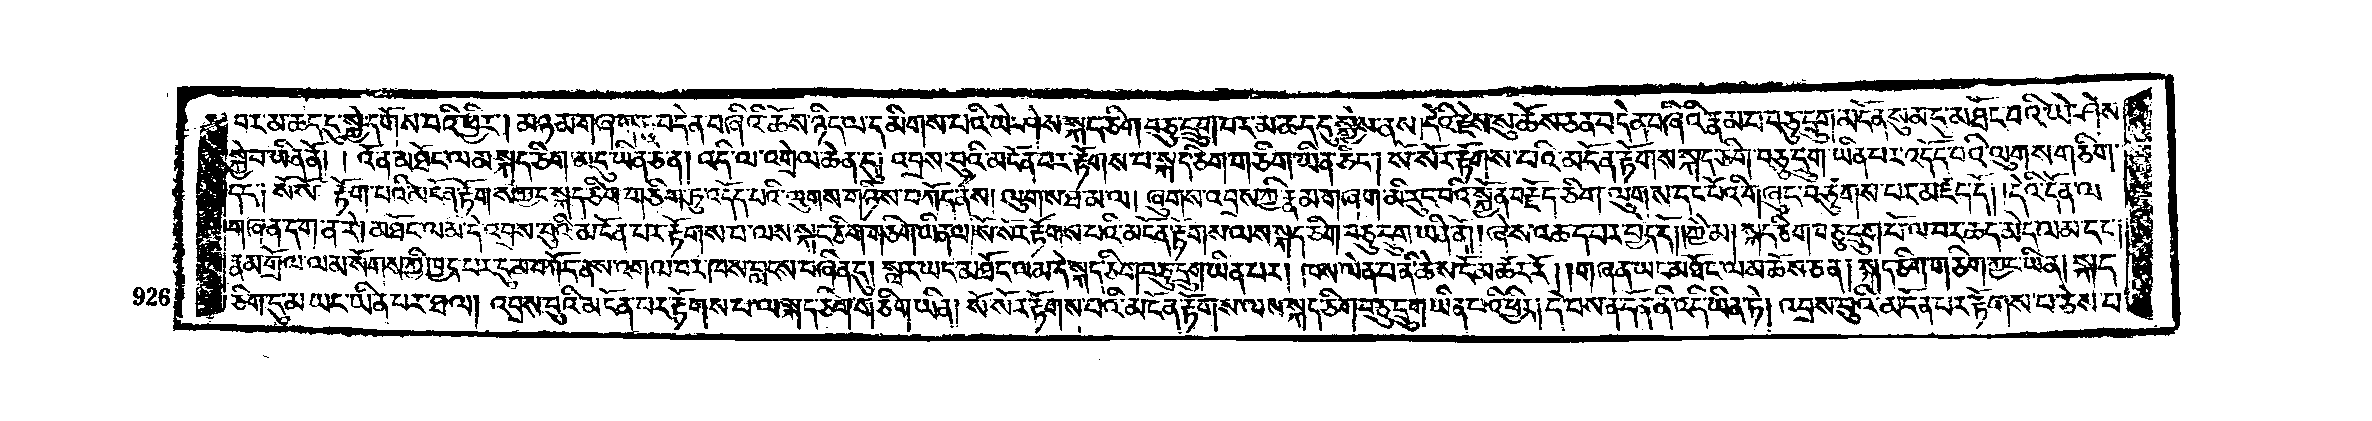བར་མ་ཆད་དུ་སྐྱེ་དགོས་པའི་ཕྱིར། མཉམ་གཞག་ཏུ་བདེན་བཞིའི་ཆོས་ཉིད་ལ་དམིགས་པའི་ཡེ་ཤེས་སྐད་ཅིག་བཅུ་དྲུག་པར་མ་ཆད་དུ་སྐྱེས་ནས། དེའི་རྗེས་སུ་ཆོས་ཅན་བདེན་བཞིའི་རྣམ་པ་བཅུ་དྲུག་མངོན་སུམ་དུ་མཐོང་བའི་ཡེ་ཤེས་
སྐྱེ་བ་ཡིན་ནོ། །འོ་ན་མཐོང་ལམ་སྐད་ཅིག་མདུ་ཡིན་ཅེ་ན། འདི་ལ་འགྲེལ་ཆེན་དུ། འབྲས་བུའི་མངོན་པར་རྟོགས་པ་སྐད་ཅིག་གཅིག་ཡིན་ཅིང་། སོ་སོར་རྟོགས་པའི་མངོན་རྟོགས་སྐད་ཅིག་བཅུ་དྲུག་ཡིན་པར་འདོད་པའི་ལུགས་གཅིག་
དང༑ སོ་སོར་རྟོག་པའི་མངོན་རྟོགས་ཀྱང་སྐད་ཅིག་གཅིག་ཏུ་འདོད་པའི་ལུགས་གཉིས་བཀོད་ནས། ལུགས་ཐ་མ་ལ། ཞུགས་འབྲས་ཀྱི་རྣམ་གཞག་མི་རུང་བའི་སྐྱོན་བརྗོད་ཅིག་ལུགས་དང་པོའི་གཞུང་བཙུགས་པར་མཛད་དོ། །དེའི་དོན་ལ་
གཞན་དག་ན་རེ། མཐོང་ལམ་དེ་འབྲས་བུའི་མངོན་པར་རྟོགས་པ་ལས་སཀད་ཅིག་གཅིག་ཡིན་ལ། སོ་སོར་རྟོགས་པའི་མངོན་རྟོགས་ལས་སྐད་ཅིག་བཅུ་དྲུག་ཡིན་ནོ། །ཞེས་འཆད་པར་བྱེད་དོ། །ཀྱཻ་མ། སྐད་ཅིག་བཅུ་དྲུག་པོ་ལ་བར་ཆད་མེད་ལམ་དང་།
རྣམ་གྲོལ་ལམ་སོགས་ཀྱི་ཁྱད་པར་དུ་མ་བཀོད་ནས་འགལ་བར་ཁས་བླངས་བཞིན་དུ། སླར་ཡང་མཐོང་ལམ་དེ་སྐད་ཅིག་བཅུ་དྲུག་ཡིན་པར། ཁས་ལེན་པ་ནི་ཆེས་ངོ་མཚར་རོ། །གཞན་ཡང་མཐོང་ལམ་ཆོས་ཅན། སྐད་ཅིག་གཅིག་ཀྱང་ཡིན། སྐད་
ཅིག་དུ་མ་ཡང་ཡིན་པར་ཐལ། འབྲས་བུའི་མངོན་པར་རྟོགས་པ་ལ་པར། ཁས་ལེན་པ་ནི་ཆོས་ངོ་མཚར་རོ། །གཞན་ཡང་མཐོང་ལ་ཆོས་ཅ་བཅུ་དྲུག་ཡིན་པའི་ཕྱིར། དེ་བས་ན་དོན་ནི་འདི་ཡིན་ཏེ་འབྲས་བུའི་མངོན་པར་རྟོགས་པ་ཅེས་པ་